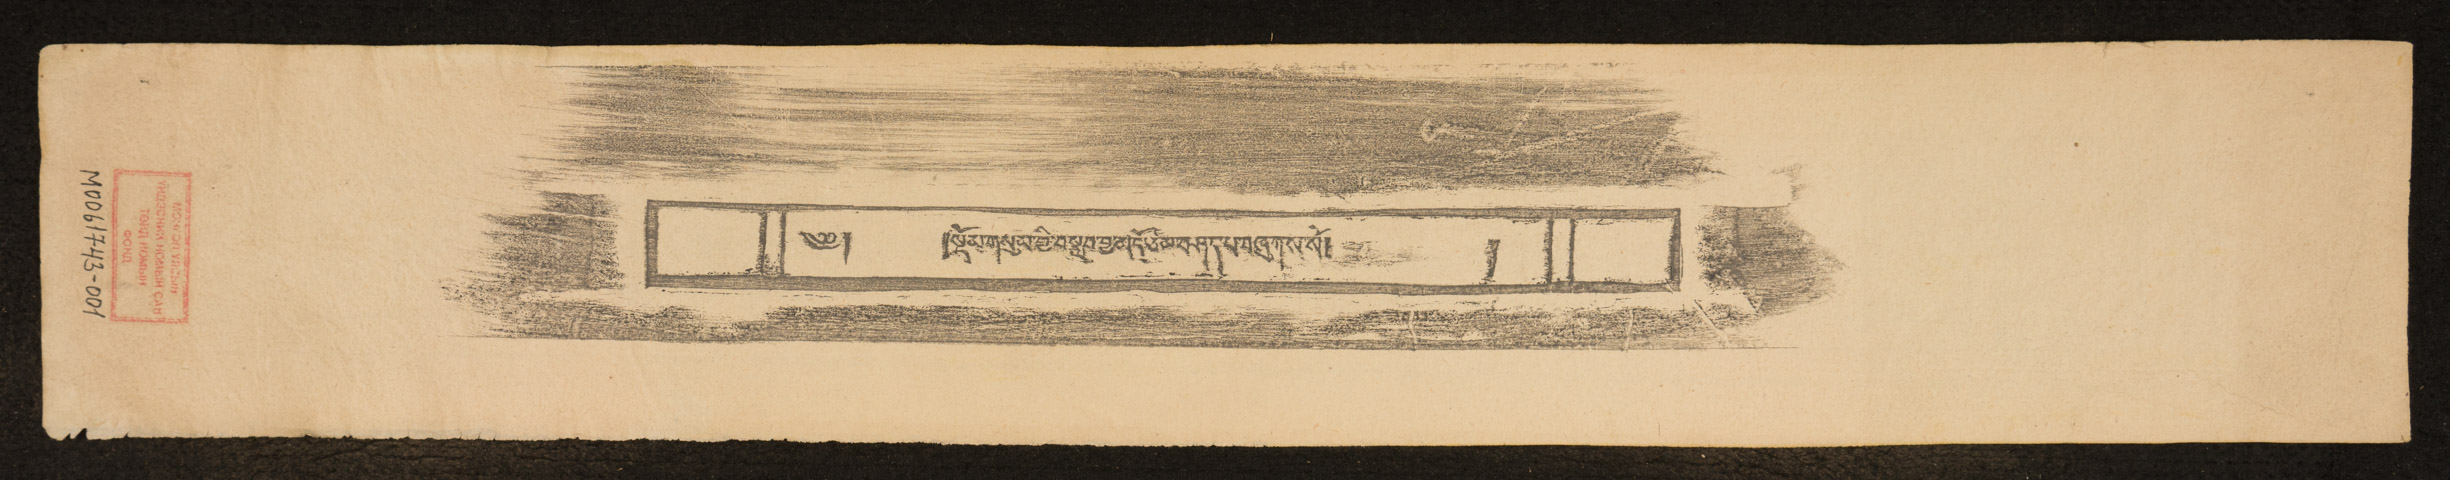༄༅། །སྡོམ་གསུམ་གྱི་བསླབ་བྱ་མདོ་ཙམ་བཤད་པ་བཞུགས་སོ། །